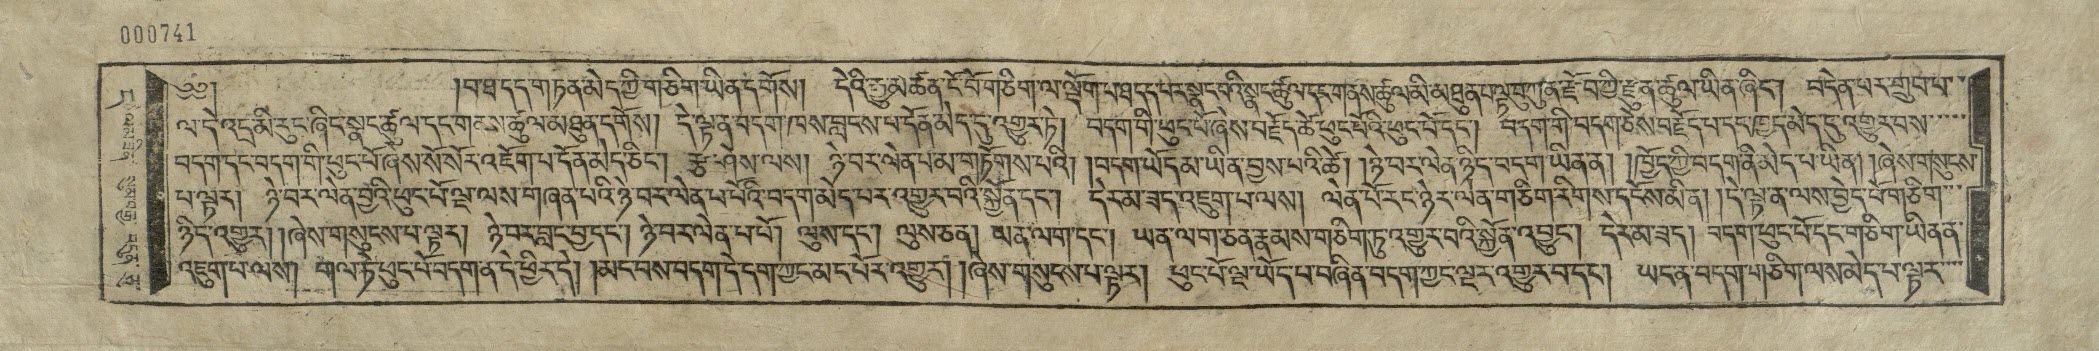༄༅། །བ་ཐ་དད་གཏན་མེད་ཀྱི་གཅིག་ཡིན་དགོས། དེའི་རྒྱུ་མཚན་ངོ་བོ་གཅིག་ལ་ལྡོག་པ་ཐ་དད་པར་སྣང་བའི་སྣང་ཚུལ་དང་གནས་ཚུལ་མི་མཐུན་པ་ལྟ་བུ་ཀུན་རྫོབ་ཀྱི་རྫུན་ཚུལ་ཡིན་ཞིང་། བདེན་པར་གྲུབ་པ་
ལ་དེ་འདྲ་མི་རུང་ཞིང་སྣང་ཚུལ་དང་གནས་ཚུལ་མཐུན་དགོས། དེ་ལྟ་ན་བདག་ཁས་བླངས་པ་དོན་མེད་དུ་འགྱུར་ཏེ། བདག་གི་ཕུང་པོ་ཞེས་བརྗོད་ཚེ་ཕུང་པོའི་ཕུང་པོ་དང་། བདག་གི་བདག་ཅེས་བརྗོད་པ་དང་ཁྱད་མེད་དུ་འགྱུར་བས་
བདག་དང་བདག་གི་ཕུང་པོ་ཞེས་སོ་སོར་འཇོག་པ་དོན་མེད་ཅིང་། རྩ་ཤེས་ལས། ཉེ་བར་ལེན་པ་མ་གཏོགས་པའི། །བདག་ཡོད་མ་ཡིན་བྱས་པའི་ཚེ། །ཉེ་བར་ལེན་ཉིད་བདག་ཡིན་ན། །ཁྱོད་ཀྱི་བདག་ནི་མེད་པ་ཡིན། །ཞེས་གསུངས་
པ་ལྟར། ཉེ་བར་ལེན་བྱའི་ཕུང་པོ་ལྔ་ལས་གཞན་པའི་ཉེ་བར་ལེན་པ་པོའི་བདག་མེད་པར་འགྱུར་བའི་སྐྱོན་དང་། དེར་མ་ཟད་འཇུག་པ་ལས། ལེན་པོ་རང་ཉེར་ལེན་གཅིག་རིགས་དངོས་མིན། །དེ་ལྟ་ན་ལས་བྱེད་པོ་གཅིག་
ཉིད་འགྱུར། །ཞེས་གསུངས་པ་ལྟར། ཉེ་བར་བླང་བྱ་དང་། ཉེ་བར་ལེན་པ་པོ། ལུས་དང་། ལུས་ཅན། ཡན་ལག་དང་། ཡན་ལག་ཅན་རྣམས་གཅིག་ཏུ་འགྱུར་བའི་སྐྱོན་འབྱུང་། དེར་མ་ཟད། བདག་ཕུང་པོ་དང་གཅིག་ཡིན་ན་
འཇུག་པ་ལས། གལ་ཏེ་ཕུང་པོ་བདག་ན་དེ་ཕྱིར་དེ། །མང་བས་བདག་དེ་དག་ཀྱང་མང་པོར་འགྱུར། །ཞེས་གསུངས་པ་ལྟར། ཕུང་པོ་ལྔ་ཡོད་པ་བཞིན་བདག་ཀྱང་ལྔར་འགྱུར་བ་དང་། ཡང་ན་བདག་གཅིག་ལས་མེད་པ་ལྟར་